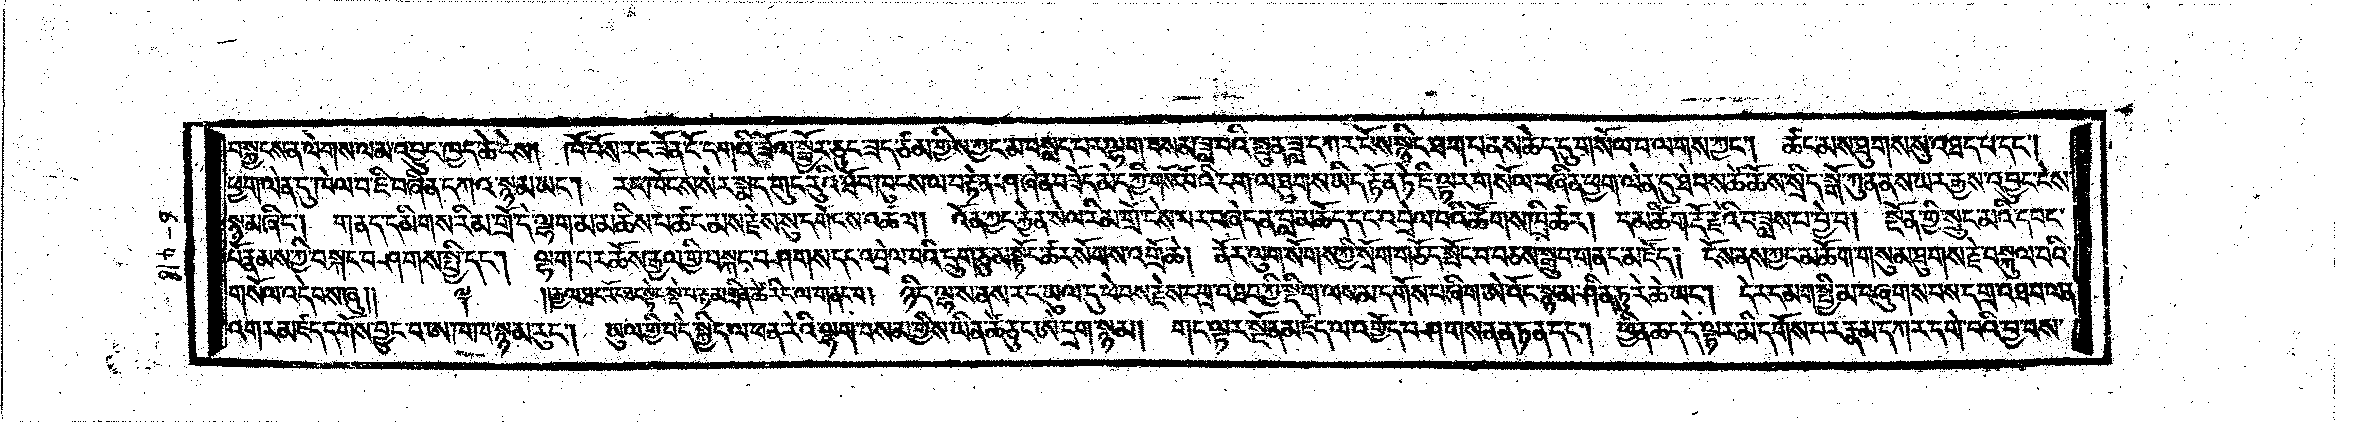བསྐྱངས་ན་ལེགས་ལམ་འབྱུང་ཁྱད་ཆེ་ངེས། ཁོ་བོས་རང་ཟོན་དོ་དགའི་ཟོལ་སྦྱོར་ཅུང་ཟད་ཙམ་གྱིས་ཀྱང་མ་བསླད་པར་ལྷག་བསམ་ཟླ་བའི་སྤུན་ཟླ་དཀར་པོས་སྙིང་ཐག་པ་ནས་ཆེད་དུ་གསོལ་བ་ལགས་ཀྱང་། ཚད་མས་ཐུགས་སུ་འཐད་པ་དང་།
ཕྱག་ལེན་དུ་ཁེལ་བ་ཇི་བཞིན་དཀའ་སྙམ་ཡང་། རང་ཁོངས་སེར་སྨད་གུང་རུའི་ཐོབ་ཁུངས་ལ་བརྟེན་ཤ་ཞེན་བཟོད་མེད་ཀྱི་གསོང་བོའི་དག་ལ་ཐུགས་ཡིད་རྟོན་ཏེ་ཇི་ལྟར་གསོལ་བཞིན་ཕྱག་ལེན་དུ་ཐེབས་ཚེ་ཆོས་སྲིད་སྒོ་ཀུན་ནས་ཡར་རྒྱས་འབྱུང་ངེས་
སྙམ་ཞིང་། གནད་དམིགས་རིམ་གྲོ་དེ་ལྷག་མ་མཆིས་པ་ཚང་མས་རྗེས་སུ་དགོངས་འཚལ། འོན་ཀྱང་རྐྱེན་སེལ་རིམ་གྲོ་ངེས་པར་བཞེད་ན་བླ་མཆོད་དང་འབྲེལ་པའི་ཚོགས་ཁྲི་ཚར། དམ་ཚིག་རྡོ་རྗེའི་བཟླས་པ་བྱེ་བ། སྔོན་གྱི་སྲུང་མའི་དབང་
པོ་རྣམས་ཀྱི་བསྐང་བཤགས་སྤྱི་དང་། ལྷག་པར་ཆོས་རྒྱལ་གྱི་བསྐང་བཤགས་དང་འབྲེལ་བའི་དྲུག་ཅུམ་སྟོང་ཚར་སོགས་འགྲོ་ཆེ། ནོར་ལུག་སོགས་ཀྱི་སྲོག་གཅོད་སྤོང་བ་བཅས་སྒྲུབ་གནང་མཛོད། ངོས་ནས་ཀྱང་མཆོག་གསུམ་ཐུགས་རྗེ་བསྐུལ་བའི་
གསོལ་འདེབས་ཞུ།། ༈ །།རྒྱལ་ཐང་རོང་ཐང་སྟེང་སྡེ་པ་རྟ་མགྲིན་ཚེ་རིང་ལ་གནང་བ།  ཉིད་ལྷས་ནས་རང་ཡུལ་དུ་ཕེབས་རྗེས་དགྲ་འཐབ་ཀྱི་སྡིག་ལས་མ་དགོས་པ་ཞིག་ཨེ་འོང་སྙམ་ཤིན་ཏུ་རེ་ཆེ་ཡང་། དེར་དམག་སྤྱི་མ་བཞུགས་པས་དགྲ་འཐབ་ལན་
འགར་མཛད་དགོས་བྱུང་བ་ཨ་ཁ་ཁ་སྙམ་རུང་། ཡུལ་གྱི་བདེ་སྐྱིད་ལ་ཕན་རེའི་ལྷག་བསམ་གྱིས་ཡིན་ཚེ་ཅུང་ཨེ་དྲག་སྙམ། གང་ལྟར་སྔོན་མཛད་ལ་འགྱོད་བཤགས་ནན་ཏན་དང་། ཕྱིན་ཆད་དེ་ལྟར་མི་དགོས་པར་རྣམ་དཀར་དགེ་བའི་བྱ་བས་